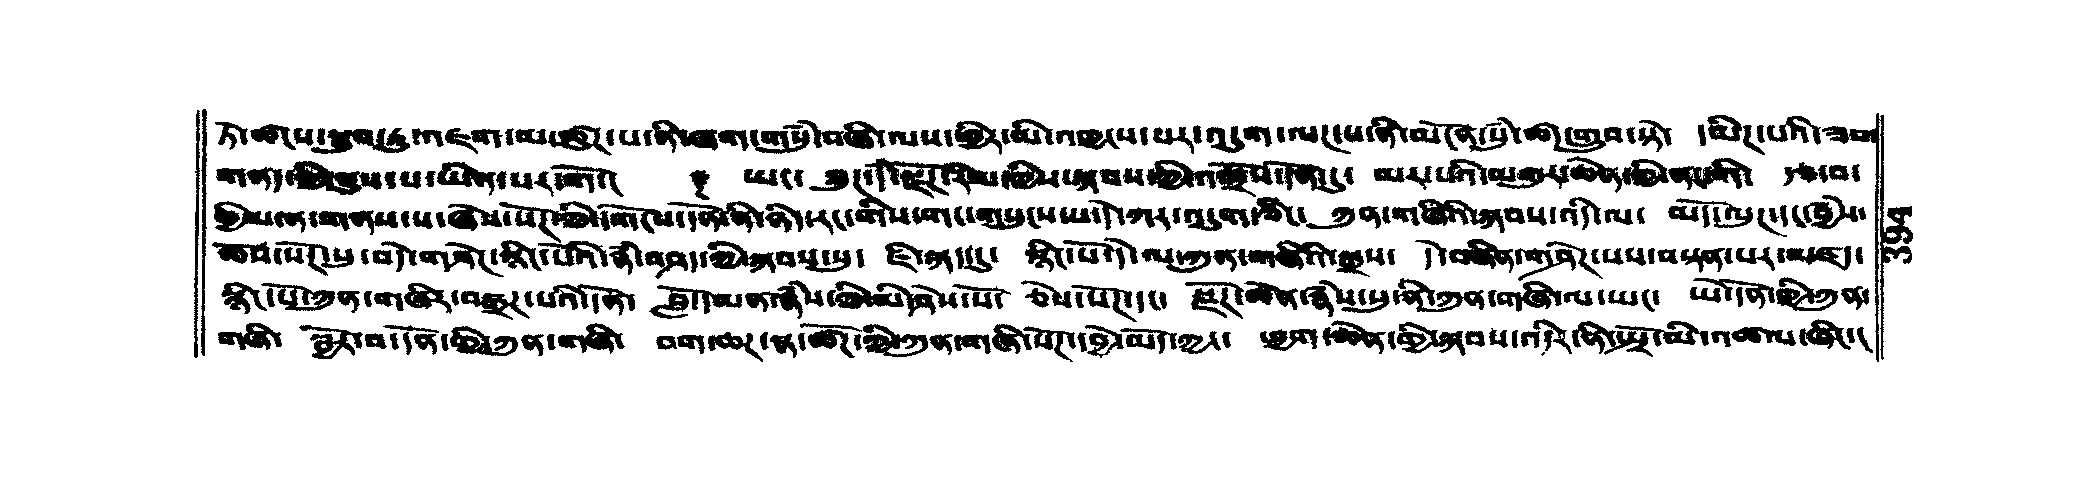ཏེ་ཚངས་བུག་ཏུ་འཇག་མ་ཚུགས་པ་ནི་ཞག་གསུམ་བཞི་ལས་ཕྱིར་མི་འགྱངས་པར་འདུག་ལགས་པ་ནི་མངོན་སུམ་ཚད་གྲུབ་སྟེ། དམིགས་པའི་ཟབ་
གནད་ཀྱི་ནུས་པ་ཡིན་པར་རོ། ཡང་། ཐུགས་དམ་རྫོགས་རིམ་གྱིས་སྐབས་ཀྱི་འཕྲོས་དོན་དུ། མར་པའི་མགུར་ཆེན་གྱི་ནང་གི རྩ་བ་
ཁྱིམ་ན་གནས་པ་ཞེས་སོགས་ཀྱི་དགོངས་དོན་ནི་ཉིད་རང་གིས་གང་གསུངས་པ་དེ་ཀར་འདུག་ཅིང་། ཀུན་གཞིའི་སྐབས་འདི་ལ། མདོ་ལུགས་དང་བྱམས་
ཆོས་སོགས་སུ་བདེ་གཤེགས་སྙིང་པོའི་རྣམ་བཤད་ཀྱི་སྐབས་སུ། ཇི་སྐད་དུ། སྙིང་པོ་དེ་ལ་ཀུན་གཞིའི་སྒྲས། །དེ་བཞིན་གཤེགས་པས་བསྟན་པར་མཛད། །
སྙིང་པོ་ཀུན་གཞིར་བསྒྲགས་པའི་དོན། །བློ་དམན་རྣམས་ཀྱི་མི་ཤེས་སོ། ཞེས་སོགས་དང་། རྫོགས་ཆེན་རྣམས་སུ་ནི་ཀུན་གཞི་ལ་ཡང་། ཡེ་དོན་གྱི་ཀུན་
གཞི། སྦྱོར་བ་དོན་གྱི་ཀུན་གཞི། བག་ཆགས་སྣ་ཚོགས་ཀྱི་ཀུན་གཞི་སོགས་དབྱེ་མོད་ཀྱང་། ཕྱག་ཆེན་གྱི་སྐབས་འདིར་ནི་སྤྲོ་མི་འཚལ་ཞིང་།